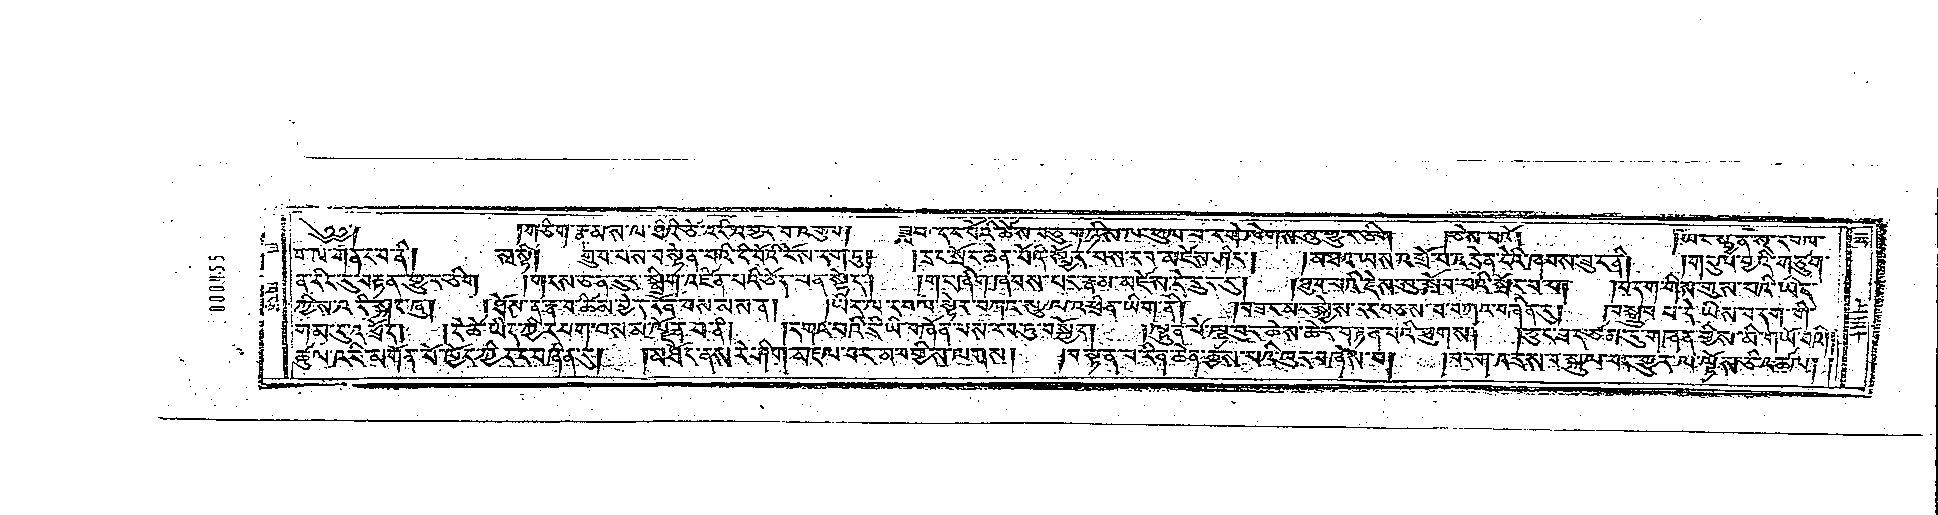༄༅། །གཅིག་རྣམས་ལ་ཐིའི་ཅོ་འདི་འབྱར་བ་འབུལ། ཟླ་བ་དང་པོའི་ཚེས་བཅུ་གཉིས་ལ་ཕུལ་བ་དགེ་ལེགས་སུ་གྱུར་ཅིག །ཅེས་པའོ། །ཡང་སྦྱན་སྔ་དཔལ་
བ་ལ་གནང་བ་ནི། སྭ་སྟི། གྲུབ་བས་བསྟེན་པའི་དི་བོའི་ངོས་དག་ཏུ། །དྲང་སྲོང་ཆེན་པོའི་སྤྱོད་བས་རབ་མཛེས་ཤིང་། །མཐའ་ཡས་འགྲོ་བ་འདྲེན་དེའི་ཞབས་ཟུང་ནི། །གདུལ་བྱའི་གཙུག་
ན་རིང་དུ་བརྟན་གྱུར་ཅིག །གངས་ཅན་དུར་སྨྲིག་འཛིན་པའི་ཅོད་པན་སྟེང་། །གང་ཞིག་ཞབས་པད་རྣམ་མཛེས་དེ་དྲུང་དུ། །ཐུབ་པའི་རྗེས་སུ་སློབ་པའི་སྤོང་བ་བ། །བདག་གིས་གུས་པའི་ཡིད་
ཀྱིས་འདི་སྐད་ཞུ། །ཐོས་ན་རྣ་བ་ཚིམ་བྱེད་དོན་བསམས་ན། །ཡིད་ལ་དབལ་སྟེར་བཀའ་སྩལ་འཕྲིན་ཡིག་ནི། །བཟང་མང་སྐྱེས་དང་བཅས་བ་བཀའ་བཞིན་དུ། །བསྒྲུབ་པ་དེ་ཡིས་བདག་གི་
གམ་དུ་འཕྲོད། །དེ་ཚེ་ཡིད་ཀྱི་དཔག་བསམ་ལྗོན་བ་ནི། །དགའ་བའི་དྲི་ཡི་བཞོན་པས་རབ་ཏུ་བསྐྱོད། །ལྷུན་པོ་ལྟ་བུར་ཚེས་ཆེར་བརྟན་པའི་ཐུགས། །ཅུང་ཟད་ཙམ་དུ་གཞན་གྱིས་མི་གཡོ་བའི།།
ཚུལ་འདི་མགོན་པོ་ཁྱོད་ཀྱི་རང་བཞིན་དུ། །མཐོང་ནས་རེ་ཤིག་མཇལ་བར་མ་བགྱིས་ལགས། །བསྟན་པ་རིན་ཆེན་རྒྱས་པའི་ཁུར་བཞེས་པ། །བདག་འདྲས་བསྐུལ་པར་གྱུར་ལ་ལྟོས་ཅི་འཚལ། །